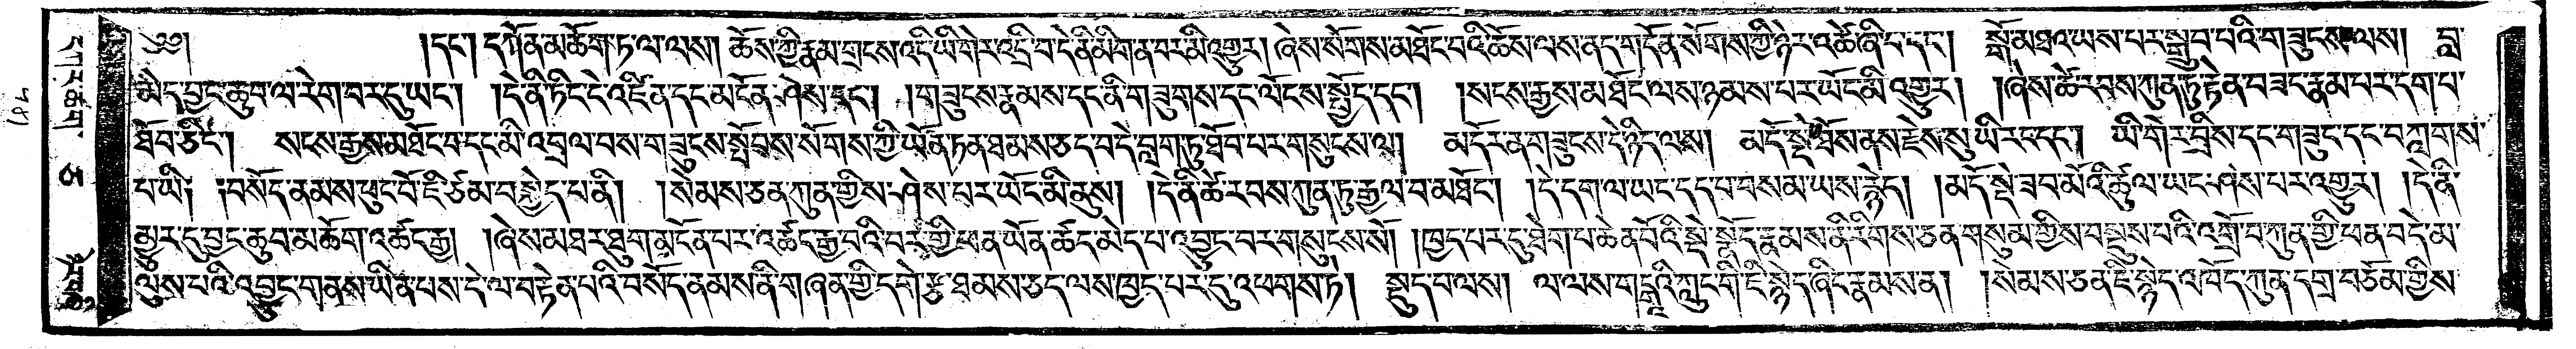༄༅། །དང་། དཀོན་མཆོག་ཏ་ལ་ལས། ཆོས་ཀྱི་རྣམ་གྲངས་འདི་ཡི་གེར་འདྲི་བ་དེ་ནི་མིག་ན་བར་མི་འགྱུར། །ཞེས་སོགས་མཐོང་བའི་ཆོས་ལས་ནད་གདོན་སོགས་ཀྱི་ཉེར་འཚོ་ཞི་བ་དང་། སྒོ་མཐའ་ཡས་པར་སྒྲུབ་པའི་གཟུངས་ལས། བླ་
མེད་བྱང་ཆུབ་ལ་རེག་བར་དུ་ཡང་། །དེ་ནི་ཏིང་ངེ་འཛིན་དང་མངོན་ཤེས་དང་། །གཟུངས་རྣམས་དང་ནི་གཟུགས་དང་ལོངས་སྤྱོད་དང་། །སངས་རྒྱས་མཐོང་ལས་ཉམས་པར་ཡོང་མི་འགྱུར། །ཞེས་ཚེ་རབས་ཀུན་ཏུ་རྟེན་བཟང་རྣམ་པར་དག་པ་
ཐོབ་ཅིང་། སངས་རྒྱས་མཐོང་བ་དང་མི་འབྲལ་བས་གཟུངས་སྤོབས་སོགས་ཀྱི་ཡོན་ཏན་ཐམས་ཅད་བདེ་བླག་ཏུ་ཐོབ་པར་གསུངས་ལ། མདོར་ན་གཟུངས་དེ་ཉིད་ལས། མདོ་སྡེ་ཐོས་ནས་རྗེས་སུ་ཡི་རང་དང་། ཡི་གེར་བྲིས་དང་གཟུང་དང་བཀླགས་
པ་ཡི༑ ༑བསོད་ནམས་ཕུང་པོ་ཇི་ཙམ་བསྐྱེད་པ་ནི། །སེམས་ཅན་ཀུན་གྱིས་ཤེས་པར་ཡོང་མི་ནུས། །དེ་ནི་ཚེ་རབས་ཀུན་ཏུ་རྒྱལ་བ་མཐོང་། །དེ་དག་ལ་ཡང་དང་བ་བསམ་ཡས་རྙེད། །མདོ་སྡེ་ཟབ་མོའི་ཚུལ་ཡང་ཤེས་པར་འགྱུར། །དེ་ནི་
མྱུར་དུ་བྱང་ཆུབ་མཆོག་འཚང་རྒྱ། །ཞེས་མཐར་ཐུག་མངོན་པར་འཚང་རྒྱ་བའི་བར་གྱི་ཕན་ཡོན་ཚད་མེད་པ་འབྱུང་བར་གསུངས་སོ། །ཁྱད་པར་དུ་ཐེག་པ་ཆེན་པོའི་སྡེ་སྣོད་རྣམས་ནི་རིགས་ཅན་གསུམ་གྱིས་བསྡུས་པའི་འགྲོ་བ་ཀུན་གྱི་ཕན་བདེ་མ་
ལུས་པའི་འབྱུང་གནས་ཡིན་པས་དེ་ལ་བརྟེན་པའི་བསོད་ནམས་ནི་གཞན་གྱི་དགེ་རྩ་ཐམས་ཅད་ལས་ཁྱད་པར་དུ་འཕགས་ཏེ། སྡུད་པ་ལས། ལ་ལས་གངྒཱའི་ཀླུང་གི་ཇི་སྙེད་ཞིང་རྣམས་ན། །སེམས་ཅན་ཇི་སྙེད་འཁོད་ཀུན་དགྲ་བཅོམ་གྱིས་